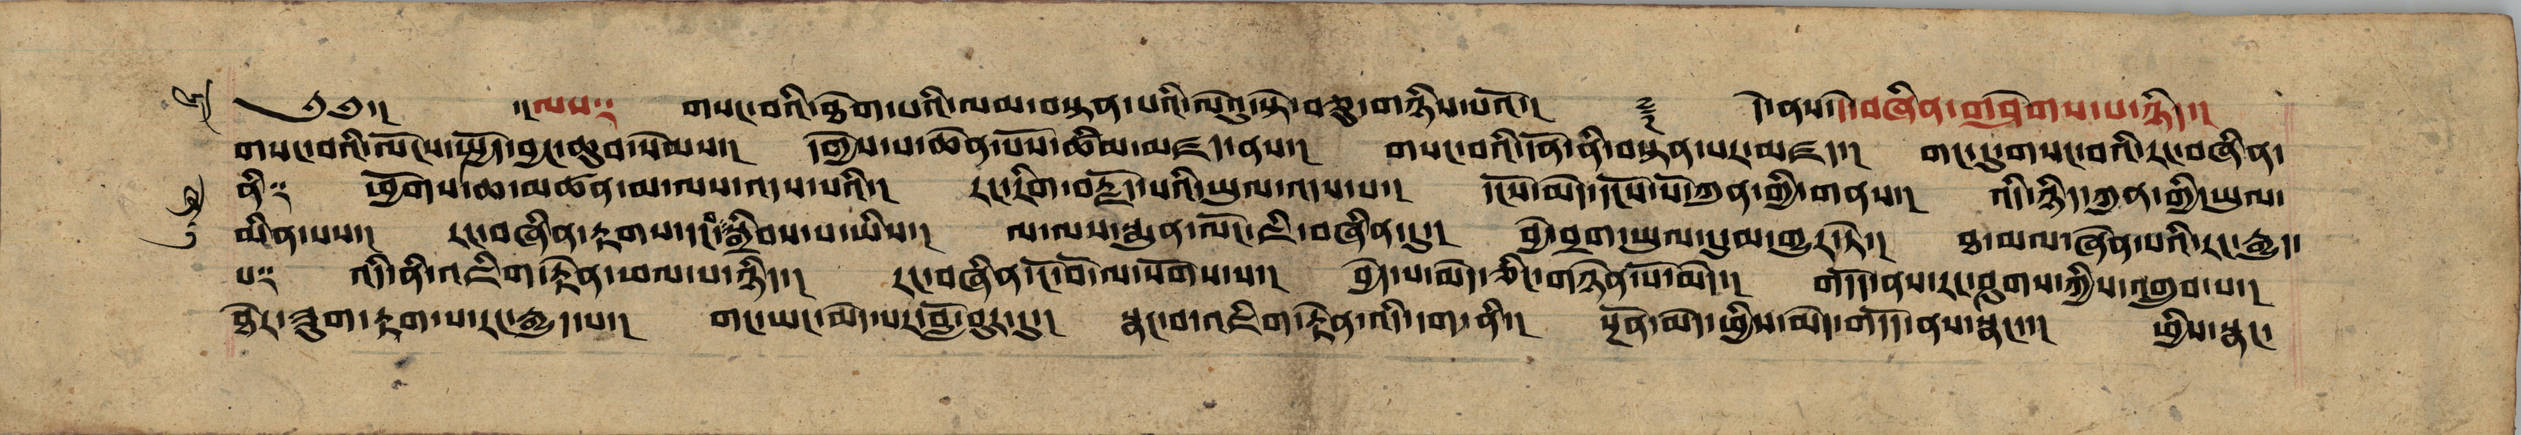༄༅་། ་།ལས༑ གསང་བའི་ཐེག་པའི་ལམ་བསྟན་པའི་ལེའུ་སྟེ་བཅུ་གཉིས་པའོ་། ࿑ དེ་ནས་དེ་བཞིན་གཤེགས་པ་ཉིད་།
གསང་བའི་ལོངས་སྤྱོད་བྱང་ཆུབ་སེམས་། དགྱེས་པ་ཆེན་པོས་ཚིམ་མཛད་ནས་། གསང་བའི་དོན་ནི་བསྟན་པར་མཛད་། གང་དུ་གསང་བའི་རང་བཞིན་
ནི༑ ཕྱོགས་ཆ་མཚན་མ་ལས་འདས་པའི་། རང་རིག་བརྗོད་པའི་ཡུལ་འདས་པ་། དངོས་མེད་དངོས་པོ་ཀུན་གྱི་གནས་། འདི་ཉིད་ཀུན་གྱི་ཡུལ་
མིན་པས་། རང་བཞིན་རྟགས་དང་བསྒྲིབས་པ་ཡིས་། ལ་ལས་སྨུན་ལོང་ཇི་བཞིན་དུ་། བྱེ་བྲག་ཡུལ་དུ་མ་གྱུར་ཏེ་། ཐ་མལ་ཞེན་པའི་རང་རྒྱུད་
པ༑ འདི་ནི་འཇིག་རྟེན་ཕལ་པ་ཉིད་། རང་བཞིན་ངོ་བོ་ལ་སོགས་པ་། བྱེད་པ་མེད་ཅིང་གཉེན་པོ་མེད་། གདོད་ནས་རང་ཤུགས་ཀྱིས་འགྲུབ་པ་།
ཐེར་ཟུག་རྟག་པ་རང་རྒྱུད་པ་། གང་ཡང་མེད་པར་བློ་བུར་དུ་། སྣང་བ་འཇིག་རྟེན་འདི་དག་ནི་། སྔོན་མེད་ཕྱིས་མེད་གདོད་ནས་སྣང་་། ཕྱིས་སྣང་